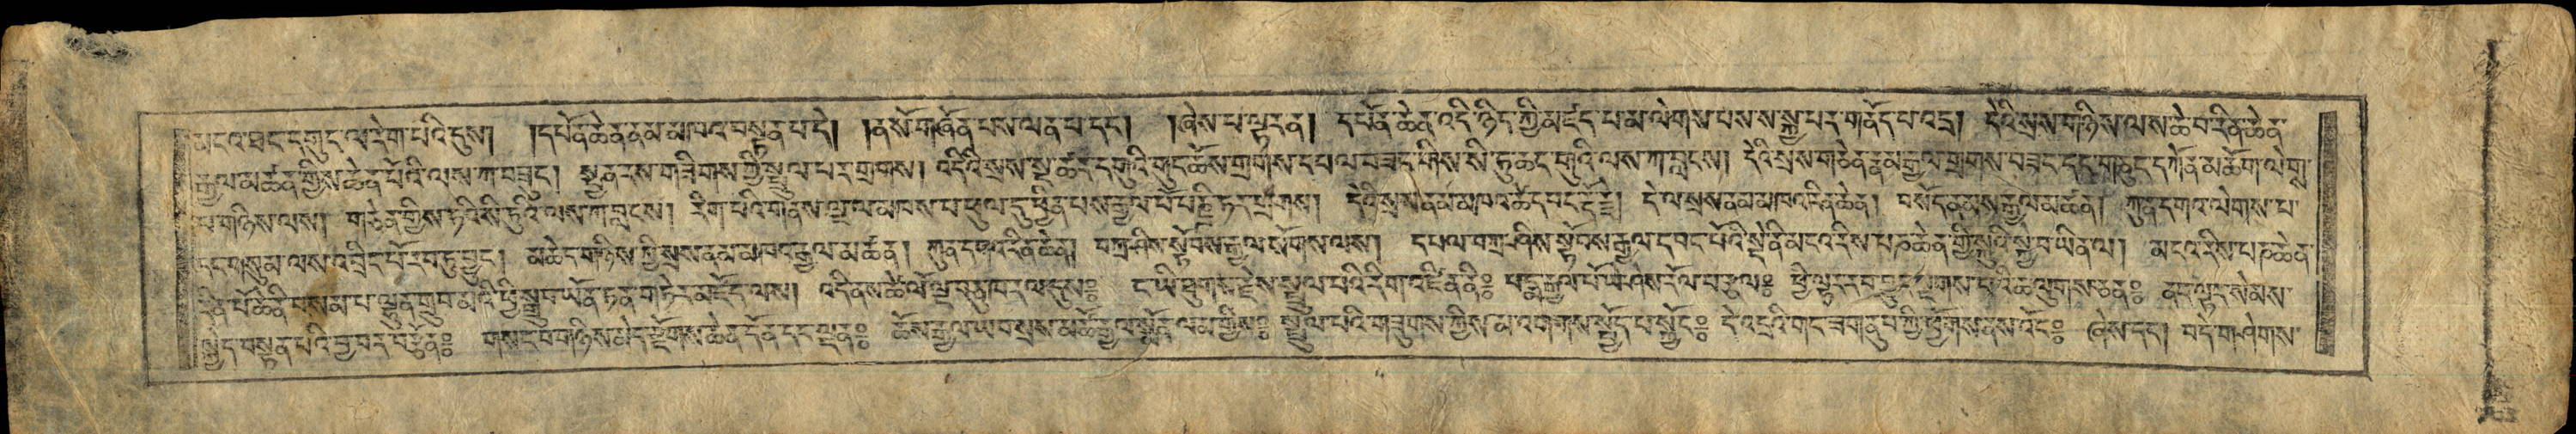མངའ་ཐང་དགུང་ལ་རེག་པའི་དུས། །དཔོན་ཚེན་ནམ་མཁའ་བསྟན་པ་དེ། །ན་སོ་གཞོན་པས་ལན་པ་དང་། །ཞེས་པ་ལྟར་ན། དཔོན་ཆེན་འདི་ཉིད་ཀྱི་མཛད་པ་མ་ལེགས་པས་ས་སྐྱ་བར་གནོད་པ་འདྲ། དེའི་སྲས་གཉིས་ལས་ཆེ་བ་རིན་ཆེན་
རྒྱལ་མཚན་གྱིས་ཆེན་པོའི་ལས་ཀ་བཟུང་། སྤྱན་རས་གཟིགས་ཀྱི་སྤྲུལ་བར་གྲགས། འདིའི་སྲས་སྔ་ཚར་དགུའི་གུང་ཆོས་གྲགས་དཔལ་བཟང་གིས་སི་ཏུ་ཆང་གུའི་ལས་ཀ་བླངས། དེའི་སྲས་གཅེན་རྣམ་རྒྱལ་གྲགས་བཟང་དང་གཅུང་དཀོན་མཆོག་ལེགས་
པ་གཉིས་ལས། གཅེན་གྱིས་ཏའི་སི་ཏུའི་ལས་ཀ་བླངས། རིག་པའི་གནས་ལྔ་ལ་མཁས་པ་ཕུལ་དུ་ཕྱིན་པས་རྒྱལ་པོ་པཎྜི་ཏར་གྲགས། དེའི་སྲས་ནམ་མཁའ་ཚེ་དབང་རྡོ་རྗེ། དེ་ལ་སྲས་ནམ་མཁའ་རིན་ཆེན། བསོད་ནམས་རྒྱལ་མཚན། ཀུན་དགའ་ལེགས་པ་
དང་གསུམ་ལས་འབྲིང་བོ་རབ་ཏུ་བྱུང་། མཆེད་གཉིས་ཀྱི་སྲས་ནམ་མཁའ་རྒྱལ་མཚན། ཀུན་དགའ་རིན་ཆེན། བཀྲ་ཤིས་སྟོབས་རྒྱལ་སོགས་ལས། དཔལ་བཀྲ་ཤིས་སྟོབས་རྒྱལ་དབང་པོའི་སྡེ་ནི་མངའ་རིས་པཎ་ཆེན་གྱི་སྐུའི་སྐྱེ་བ་ཡིན་ལ། མངའ་རིས་པཎ་ཆེན་
རིན་པོ་ཆེ་ནི་བསམ་པ་ལྷུན་གྲུབ་མའི་ཕྱི་སྒྲུབ་ཡོན་ཏན་གཏེར་མཛོད་ལས། འདི་ནས་ཚེ་ལོ་ལྔ་བཅུ་ཁར་ལ་དུསཿ་ང་ཡི་ཐུགས་རྗེས་སྤྲུལ་བའི་རིག་འཛིན་ནིཿ་པདམ་རྒྱལ་པོ་ཡེ་ཤེས་རོལ་བ་རྩལཿ་ཕྱི་ལྟར་རབ་བྱུང་སྔགས་པའི་ཆ་ལུགས་ཅནཿ་ནང་ལྟར་སེམས་
སྐྱེད་བསྟན་པའི་བྱ་བར་བརྩོནཿ་གསང་བ་གཉིས་མེད་རྫོགས་ཆེན་དོན་དང་ལྡནཿ་ཆོས་རྒྱལ་ཡབ་སྲས་མཚོ་རྒྱལ་སྨོན་ལམ་གྱིསཿ་སྤྲུལ་བའི་གཟུགས་ཀྱིས་མ་འགགས་སྤྱོད་པ་སྐྱོངཿ་དེ་འདྲའི་གང་ཟག་ནུབ་ཀྱི་ཕྱོགས་ནས་འོངཿ་ཞེས་དང་། བདེ་གཤེགས་